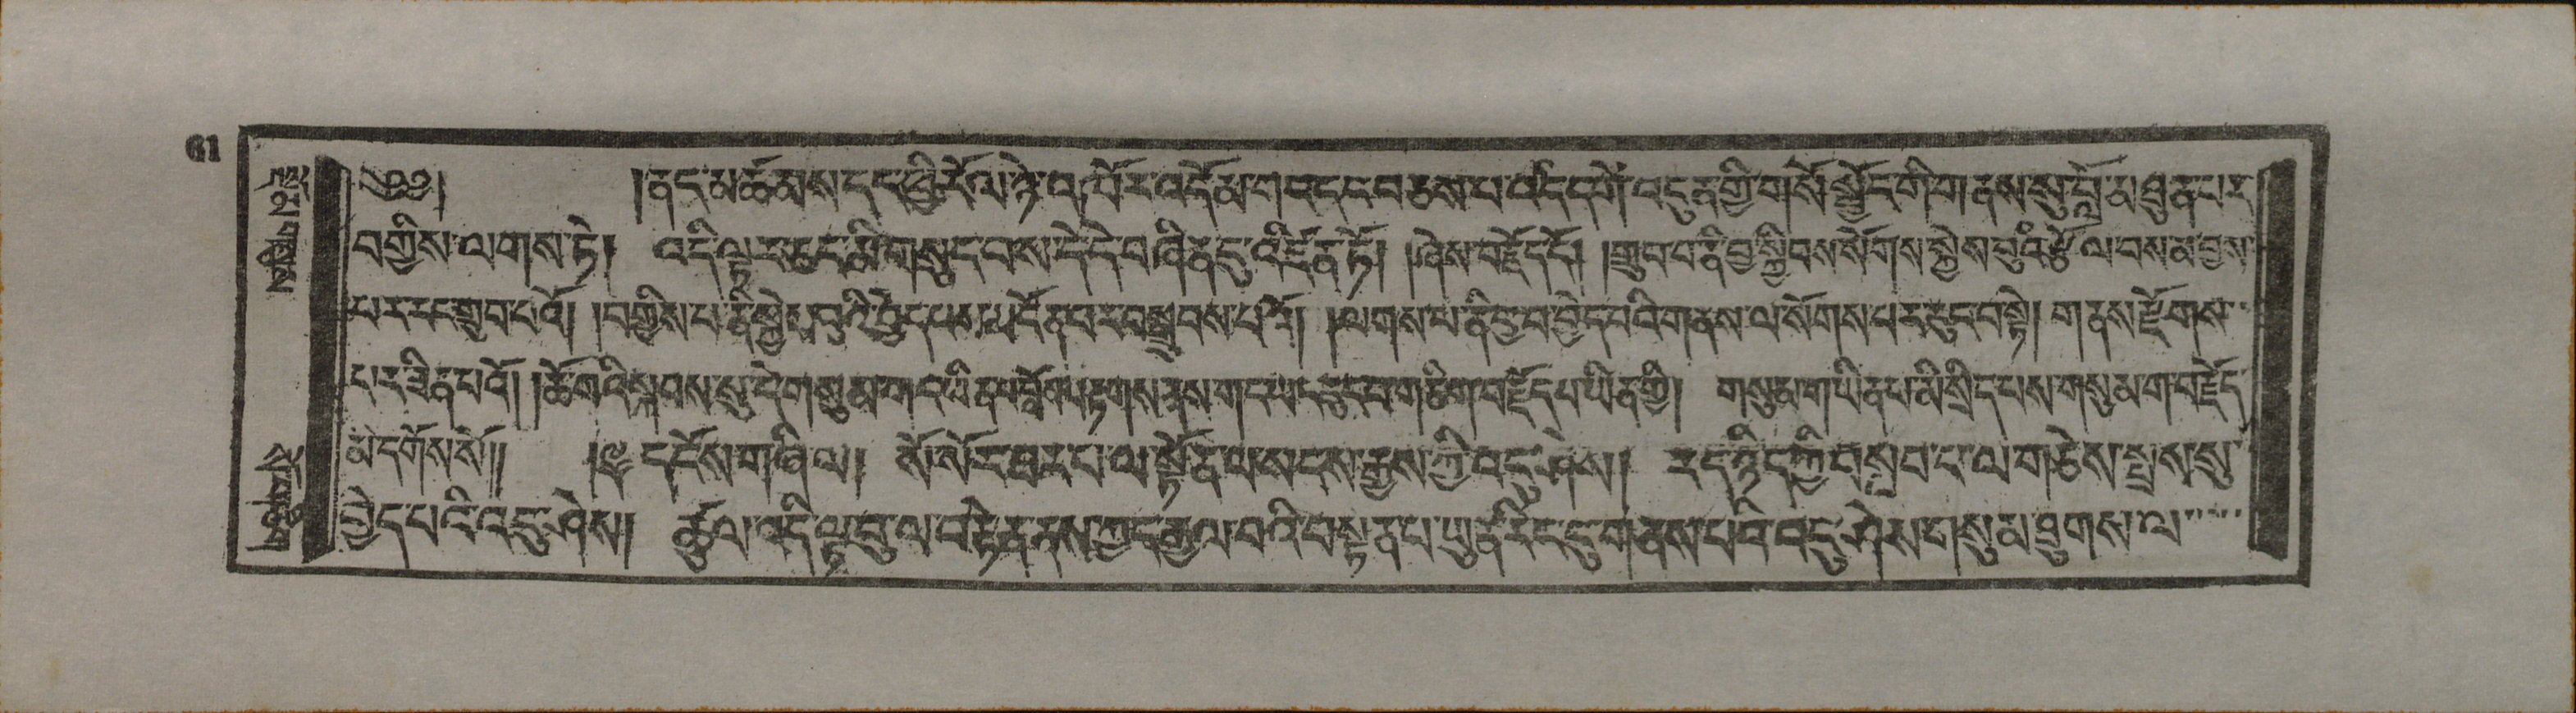༄༅། །ནང་མཚམས་དང་ཕྱི་རོལ་ཉེ་འཁོར་འདོམ་གང་དང་བཅས་པ་འདི་དགེ་འདུན་གྱི་གསོ་སྦྱོང་གི་གནས་སུ་བློ་མཐུན་པར་
གྱིས་ལགས་ཏེ། འདི་ལྟར་ཅད་ཅང་མི་གསུང་བས་དེ་དེ་བཞིན་དུ་འཛིན་ཏོ། །ཞེས་བརྗོད་དོ། །གྲུབ་པ་ནི་བྱ་སྐྱིབས་སོགས་སྐྱེས་བུའམ་རྩོལ་བས་མ་བྱས་
པར་རང་གྲུབ་པའོ། །བགྱིས་པ་ནི་སྐྱེས་བུའི་བྱེད་པས་མངོན་པར་བསྒྲུབས་པའོ། །ལགས་པ་ནི་བྱ་བ་བྱེད་པའི་གནས་ལ་སོགས་པར་རུང་བ་སྟེ། གནས་རྫོགས་
པར་ཟིན་པའོ། །ཆོ་གའི་སྐབས་སུ་དེ་གསུམ་གང་ཡིན་པ་བློས་བརྟགས་ནས་གང་ཡང་རུང་བ་གཅིག་བརྗོད་པ་ཡིན་གྱི། གསུམ་ག་ཡིན་པ་མི་སྲིད་པས་གསུམ་ག་བརྗོད་
མི་དགོས་སོ།། །༈ དངོས་གཞི་ལ། སོ་སོར་ཐར་པ་ལ་སྟོན་པ་སངས་རྒྱས་ཀྱི་འདུ་ཤེས། རང་ཉིད་ཀྱི་བསླབ་པ་ལ་གཅེས་སྤྲས་སུ་
བྱེད་པའི་འདུ་ཤེས། ཚུལ་འདི་ལྟ་བུ་ལ་བརྟེན་ནས་ཀྱང་རྒྱལ་བའི་བསྟན་པ་ཡུན་རིང་དུ་གནས་པའི་འདུ་ཤེས་གསུམ་ཐུགས་ལ་